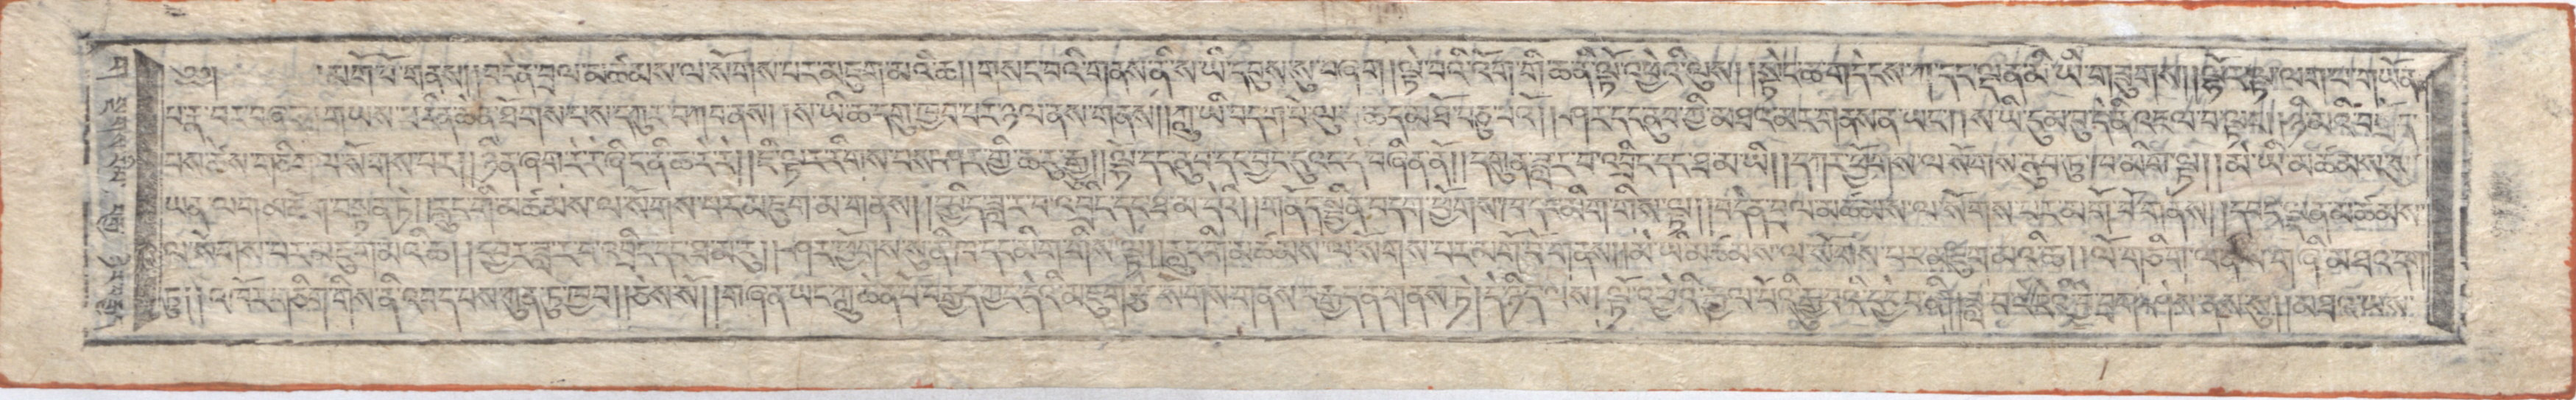༄༅། །མགོ་བོ་གནས། །བདེན་བྲལ་མཚམས་ལ་སོགས་པར་མཇུག་མའི་ཆ། །གསང་བའི་གནས་ནི་ས་ཡི་དབུས་སུ་བཞག །ལྟེ་བའི་འོག་གི་ཆ་ནི་ལྟོ་འཕྱེའི་ལུས། །སྟེང་ཆ་གདེངས་ཀ་དང་ལྡན་མི་ཡི་གཟུགས། །ལྷོར་ལྟ་ལག་པ་གཡོན་
པ་རྣ་བར་བཞག །གཡས་པ་རིན་ཆེན་ཐོགས་པས་དཀུར་བཀབ་ནས། །ས་ཡི་ཆ་དགུ་ཁྱབ་པར་ཉལ་ནས་གནས། །ཀླུ་ཡི་བདག་པོ་ལུས་ཆད་མཐོ་བཅུ་པའོ། །ཤར་དང་ནུབ་ཀྱི་མཐའ་མར་གནས་ན་ཡང་། །ས་ཡི་དུམ་བུ་དེ་ནི་འཇལ་བ་ལྟར། །ཉི་མའི་བགྲོད་
པས་ཚེས་གཅིག་ལ་སོགས་པར། །ཉིན་ཞག་རེ་རེ་ཞིང་ནི་ཆ་རེ་རེ། །ཇི་ལྟར་རིགས་པས་ཤར་གྱི་ཆ་རུ་རྒྱུ། །ལྷོ་དང་ནུབ་དང་བྱང་དུའང་དེ་བཞིན་ནོ། །དགུན་ཟླ་ར་བ་འབྲིང་དང་ཐ་མ་ཡི། །དཀར་ཕྱོགས་ལ་སོགས་ནུབ་ཏུ་ཁ་མིག་ལྟ། །མེ་ཡི་མཚམས་སུ་
ཡན་ལག་མཆོག་བསྟན་ཏེ། །རླུང་གི་མཚམས་ལ་སོགས་པར་མཇུག་མ་གནས། །དཔྱིད་ཟླ་ར་བ་འབྲིང་དང་ཐ་མ་དེའི། །གནོད་སྦྱིན་བདག་ཕྱོགས་ཁ་དང་མིག་གིས་ལྟ། །བདེན་བྲལ་མཚམས་ལ་སོགས་པར་མགོ་བོ་གནས། །དབང་ལྡན་མཚམས་
ལ་སོགས་པར་མཇུག་མའི་ཆ། །དབྱར་ཟླ་ར་བ་འབྲིང་དང་ཐ་མ་རུ། །ཤར་ཕྱོགས་སུ་ནི་ཁ་དང་མིག་གིས་ལྟ། །རླུང་གི་མཚམས་ལ་སོགས་པར་མགོ་བོ་གནས། །མེ་ཡི་མཚམས་ལ་སོགས་པར་མཇུག་མའི་ཆ། །ལོ་གཅིག་ལ་ནི་ས་གཞི་མཐའ་དག་
ཏུ༑ ༑འཁོར་གཅིག་གིས་ནི་འབད་པས་ཀུན་ཏུ་ཁྱབ། །ཅེས་སོ། །གཞན་ཡང་ཀླུ་ཆེན་པོ་བརྒྱད་ཀྱང་དེའི་མཇུག་རྩེ་སོགས་གནས་བརྒྱད་ན་གནས་ཏེ། དེ་ཉིད་ལས། ལྟོ་འཕྱེའི་རྒྱལ་པོའི་རྒྱུ་བའི་དབྱེ་བ་ནི། །ཟླ་བ་རེ་རེའི་བྱེ་བྲག་ཤེས་ནས་སུ། །མཐའ་ཡས་